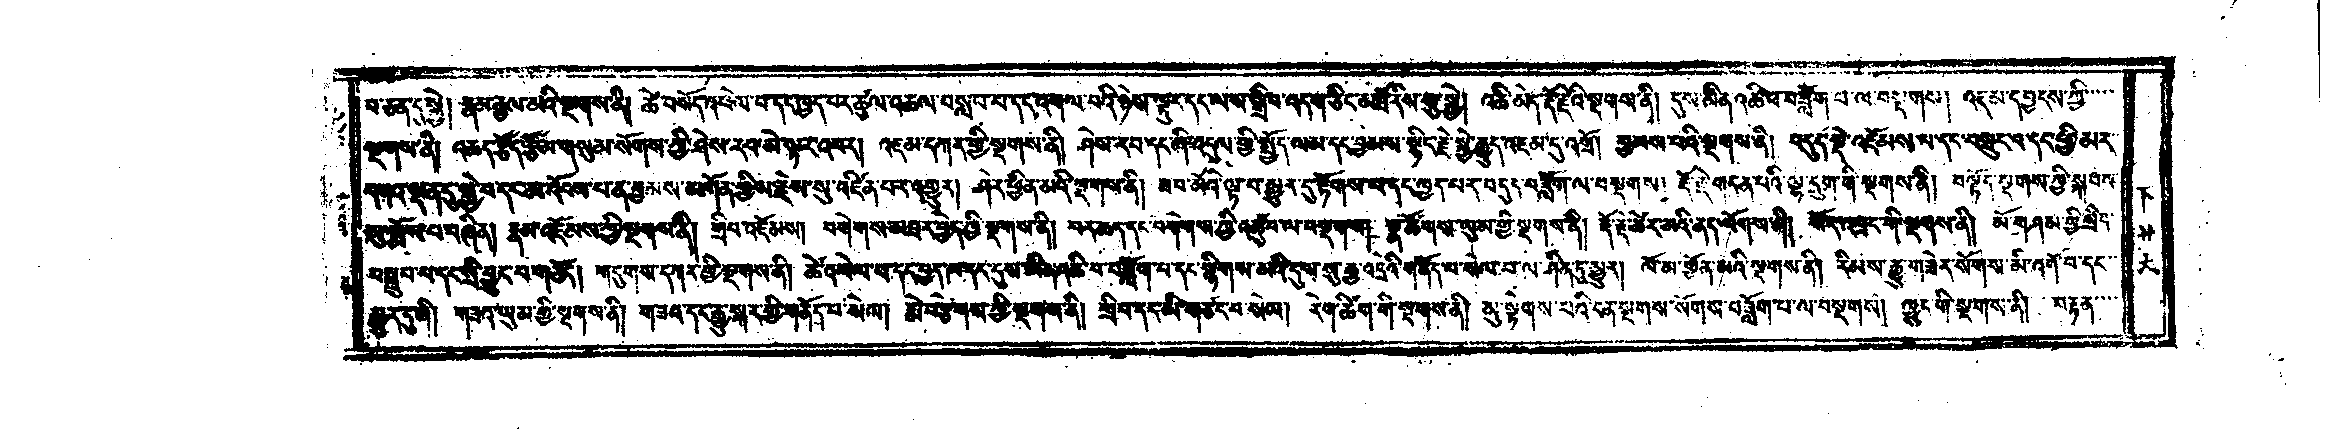བ་ཅན་དུ་སྐྱེ། རྣམ་རྒྱལ་མའི་སྔགས་ནི། ཚེ་བསོད་འཕེལ་བ་དང་ཁྱད་པར་ཚུལ་འཆལ་བསླབ་པ་དང་འགལ་བའི་ཉེས་ལྟུང་དང་ལས་སྒྲིབ་འདག་ཅིང་མཐོ་རིས་སུ་སྐྱེ། འཆི་མེད་རྡོ་རྗེའི་སྔགས་ནི། དུས་མིན་འཆི་བ་བཟློག་པ་ལ་བསྔགས། འཇམ་དབྱངས་ཀྱི་
སྔགས་ནི། འཆད་རྩོད་རྩོམ་གསུམ་སོགས་ཀྱི་ཤེས་རབ་མེ་ལྟར་འབར། འཇམ་དཀར་གྱི་སྔགས་ནི། ཤེས་རབ་དང་ཞི་འདུལ་གྱི་སྤྱོད་ལམ་དང་བྱམས་སྙིང་རྗེ་སྐྱེ་རྒྱུད་འཇམ་དུ་འགྲོ། བྱམས་པའི་སྔགས་ནི། བདུད་སྡེ་འཇོམས་པ་དང་བསྲུང་བ་དང་ཕྱི་མར་
དགའ་ལྡན་དུ་སྐྱེ་བ་དང་མ་འོངས་པ་ན་བྱམས་མགོན་གྱིས་རྗེས་སུ་འཛིན་པར་འགྱུར། ཤེར་ཕྱིན་མའི་སྔགས་ནི། ཟབ་མོའི་ལྟ་བ་མྱུར་དུ་རྟོགས་པ་དང་ཁྱད་པར་བདུད་བཟློག་ལ་བསྔགས། རྡོ་རྗེ་གདན་པའི་ལྷ་དྲུག་གི་སྔགས་ནི། བསྟོད་སྔགས་ཀྱི་སྐབས་
སུ་སྨོས་པ་བཞིན། རྣམ་འཇོམས་ཀྱི་སྔགས་ནི། གྲིབ་འཇོམས། བགེགས་མཐར་བྱེད་ཀྱི་སྔགས་ནི། བར་ཆད་དང་བགེགས་ཀྱི་འཚུབ་ལ་བསྔགས། སྣ་ཚོགས་ཡུམ་གྱི་སྔགས་ནི། རྡོ་རྗེ་ཚེར་མའི་ནད་སོགས་ཞི། སོར་འབྲང་གི་སྔགས་ནི། མོ་གཤམ་གྱི་སྲིད་
བསྒྲུབ་པ་དང་སྲི་བྱུང་བ་གཅོད། གདུགས་དཀར་གྱི་སྔགས་ནི། ཚེ་འཕེལ་པ་དང་བྱད་ཁ་དང་དུས་མིན་འཆི་བ་བཟློག་པ་དང་སྙིགས་མའི་དུས་སུ་རྒྱ་འདྲེའི་གནོད་པ་སེལ་བ་ལ་ཤིན་ཏུ་མྱར། ལོ་མ་གྱོན་མའི་སྔགས་ནི། རིམས་རྒྱུ་གཟེར་སོགས་མི་འགོ་བ་དང་
མྱུར་དུ་ཞི། གཟའ་ཡུམ་གྱི་སྔགས་ནི། གཟའ་དང་རྒྱུ་སྐར་གྱི་གནོད་པ་སེལ། རྨེ་བརྩེགས་ཀྱི་སྔགས་ནི། གྲིབ་དང་མི་གཙང་བ་སེལ། རེག་ཚིག་གི་སྔགས་ནི། མུ་སྟེགས་པའི་ངན་སྔགས་སོགས་བཟློག་པ་ལ་བསྔགས། ཁྱུང་གི་སྔགས་ནི། བརྟན